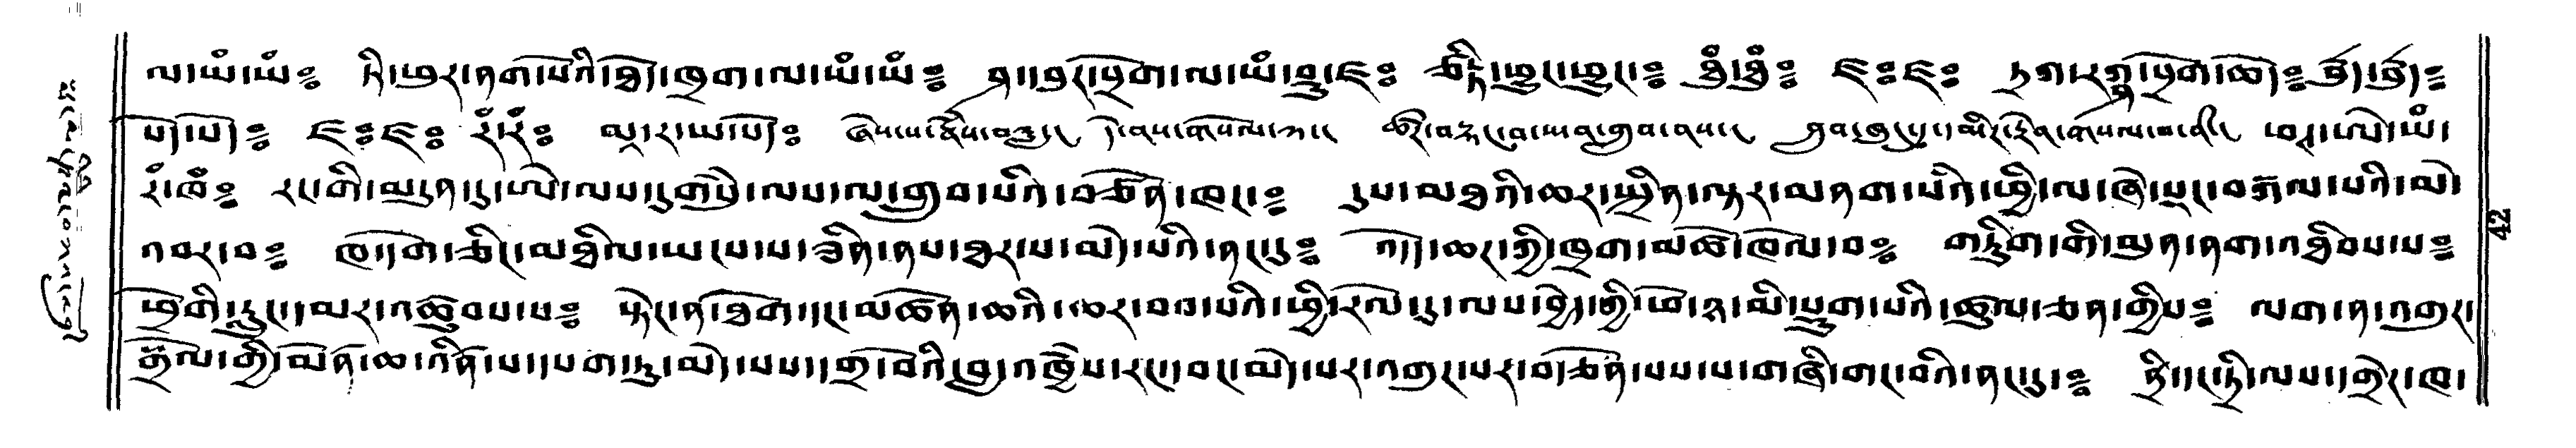ལ་ཡམ་ཡམ༔ ཏི་ཕུར་ནག་པོའི་ཐོད་ཁྲག་ལ་ཡཾ་ཡཾ༔ ཤ་དབུར་སྲོག་ལ་ཡཾ་ཤུ་ཛཿ ཙིཏྟ་ཕྱུང་ཕྱུང༔ ཐུཾ་ཐུཾ༔ ཛཿཛཿ ཏྲག་རཀྴ་སྲོག་ཆོད༔ རྦུད་རྦུད༔ 
སོད་སོད༔ ཛཿཛཿ རཾ་རཾཿ མཱ་ར་ཡ་སོད༔ ཞེས་པ་རྣམས་བཟླ། དེ་ནས་གསོལ་ཀ། ཚོགས་བསྐང་བ་ཡན་གྲུབ་ནས། བྲུབ་ཁུང་དུ་དམིགས་རྟེན་གསལ་བ་ནི། ཕཊ་ཨེ་ཡཾ་
རཾ་ཁཾ༔ རང་གི་མདུན་དུ་ཨེ་ལས་དུག་གསུམ་ལས་ལས་གྲུབ་པའི་བཙོན་ཁང༔ དུས་མཐའི་ཆར་སྤྲིན་ལྟར་མནག་པའི་ཕྱི་ལ་ཞེ་སྡང་བསྐལ་པའི་མེ་
འབར་བ༔ ཁ་དོག་ཅིང་མཐིལ་ཡངས་པ་ཟིན་ནས་ཐར་བ་མེད་པའི་ནང་དུ༔ འདོད་ཆགས་ཀྱི་ཁྲག་མཚོ་ཁོལ་བ༔ གཏི་མུག་གི་མུན་ནག་འཐིབས་པ༔ 
ཕྲག་དོག་གི་རླུང་དམར་འཚུབས་པ༔ སྟེན་ན་ཐོག་དང་མཚོན་ཆའི་ཆར་འབབ་པའི་ཕྱི་རོལ་དུ་ལས་བྱེད་གྱི་ཕོ་ཉ་མི་སྡུག་པའི་ཚུལ་ཅན་གྱིས༔ ལག་ན་འགུགས་
སྒྲོལ་གྱི་མཚོན་ཆ་འཛིན་པ་དཔག་ཏུ་མེད་པས་དགྲ་བོའི་བླ་འཁྱམས་རང་དབང་མེད་པར་འགུགས་པར་བརྩོན་པས་ས་གཞི་གང་བའི་ནང་དུ༔ ནྲི་དང་ཏྲི་ལས་དགྲ་བགེགས་ཁ་